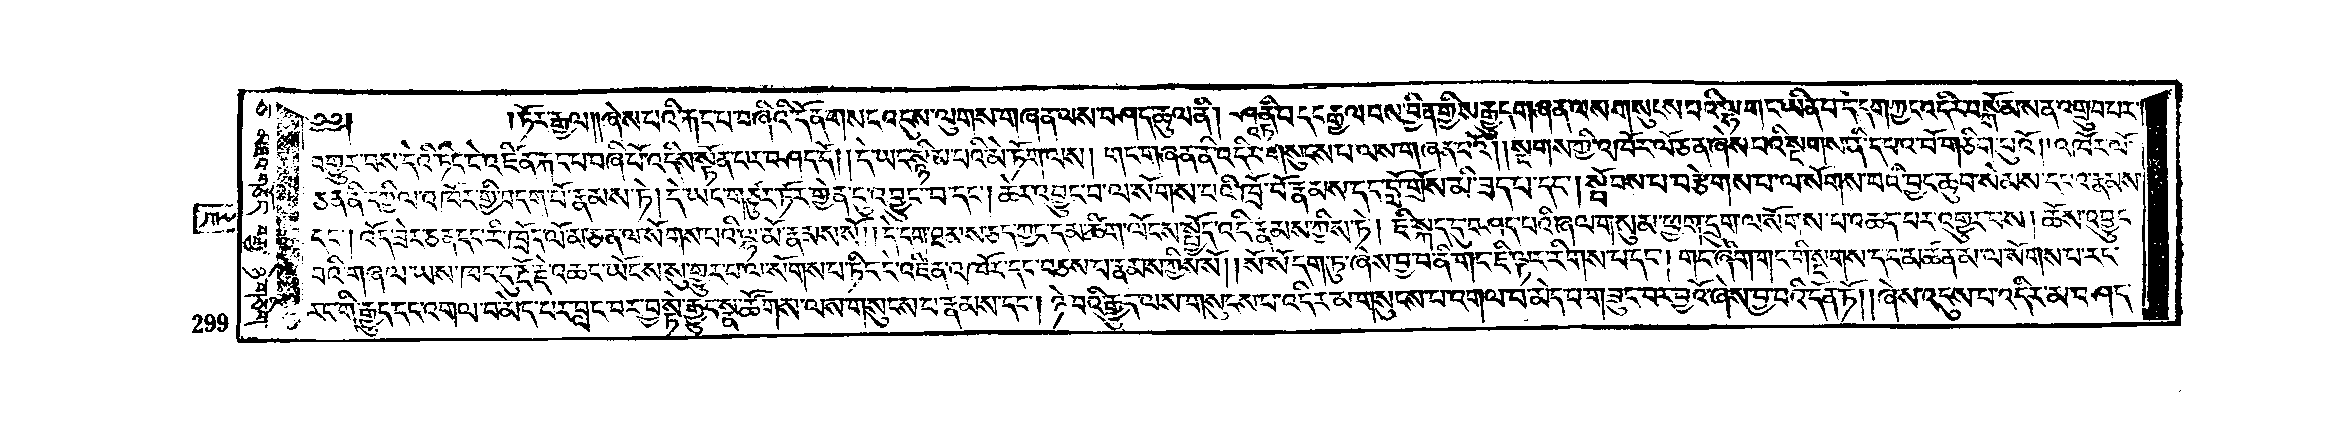༄༅། །ཏོར་རྒྱལ། །ཞེས་པའི་རྐང་པ་བཞིའི་དོན་གསང་འདུས་ལུགས་གཞན་ལས་བཤད་ཚུལ་ནི། ཤཱནྟི་པ་དང་རྒྱལ་བས་བྱིན་གྱིས་རྒྱུད་གཞན་ལས་གསུངས་པའི་ལྷ་གང་ཡིན་པ་དེ་དག་ཀྱང་འདིར་བསྒོམས་ན་འགྲུབ་པར་
འགྱུར་བས་དེའི་ཏིང་ངེ་འཛིན་རྐང་པ་བཞི་པོ་འདིས་སྟོན་པར་བཤད་དོ། །དེ་ཡང་སྙིམ་པའི་མེ་ཏོག་ལས། གང་གཞན་ནི་འདིར་གསུངས་པ་ལས་གཞན་པའོ། །སྔགས་ཀྱི་འཁོར་ལོ་ཅན་ཞེས་པའི་སྔགས་ནི་དཔའ་བོ་གཅིག་པུའོ། །འཁོར་ལོ་
ཅན་ནི་དཀྱིལ་འཁོར་གྱི་བདག་པོ་རྣམས་ཏེ། དེ་ཡང་གཙུར་ཏོར་གྱེན་དུ་འབྱུང་བ་དང་། ཆེར་འབྱུང་བ་ལ་སོགས་པའི་ཁྲོ་བོ་རྣམས་དང་བློ་གྲོས་མི་ཟད་པ་དང་། སྤོབས་པ་བརྩེགས་པ་ལ་སོགས་པའི་བྱང་ཆུབ་སེམས་དཔའ་རྣམས་
དང་། འོད་ཟེར་ཅན་དང་རི་ཁྲོད་ལོ་མ་ཅན་ལ་སོགས་པའི་ལྷ་མོ་རྣམས་སོ། །དེ་དག་ཐམས་ཅད་ཀྱང་དམ་ཚིག་ལོངས་སྤྱོད་འདི་རྣམས་ཀྱིས་ཏེ། ཇི་སྐད་དུ་བཤད་པའི་ཞལ་གསུམ་ཕྱག་དྲུག་ལ་སོགས་པ་འཆད་པར་འགྱུར་བས། ཆོས་འབྱུང་
བའི་གཞལ་ཡས་ཁང་དུ་རྡོ་རྗེ་འཆང་ཡོངས་སུ་གྱུར་པ་ལ་སོགས་པ་ཏིང་ངེ་འཛིན་འཁོར་དང་བཅས་པ་རྣམས་ཀྱིས་སོ། །སོ་སོ་དག་ཏུ་ཞེས་བྱ་བ་ནི་གང་ཇི་ལྟར་རིགས་པ་དང་། གང་ཞིག་གང་གི་སྔགས་དང་མཚན་མ་ལ་སོགས་པ་རང་
རང་གི་རྒྱུད་དང་འགལ་བ་མེད་པར་བླང་བར་བྱ་སྟེ་རྒྱུད་སྣ་ཚོགས་ལས་གསུངས་པ་རྣམས་དང་། ཉེ་བའི་རྒྱུད་ལས་གསུངས་པ་འདིར་མ་གསུངས་པ་འགལ་བ་མེད་པ་གཟུང་བར་བྱའོ་ཞེས་བྱ་བའི་དོན་ཏོ། །ཞེས་འདུས་པ་འདིར་མ་བཤད་